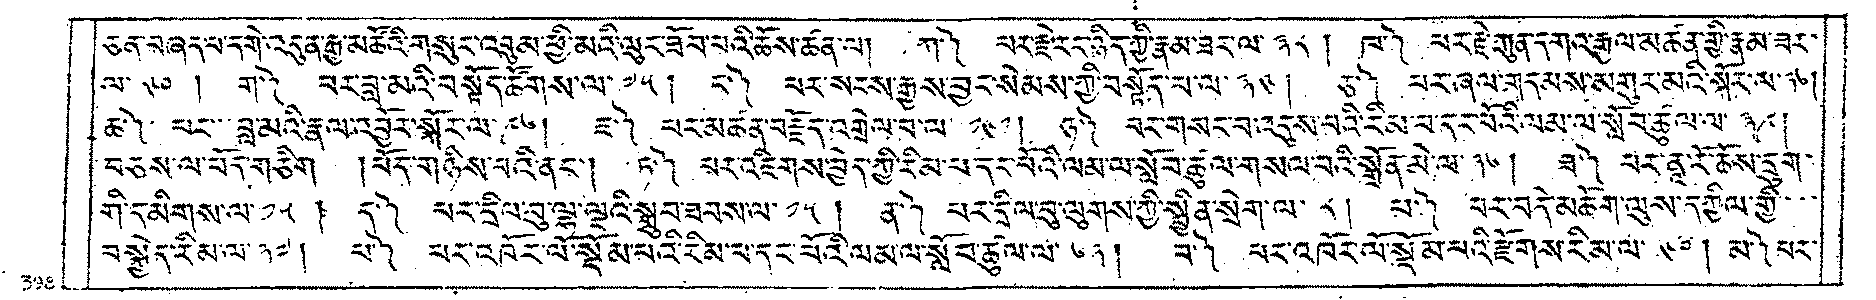ཅན་བཞད་པ་དགེ་འདུན་རྒྱ་མཚོའི་གསུང་འབུམ་ཕྱི་མའི་ལུང་ཐོབ་པའི་ཆོས་ཚན་ལ། ཀ྄་པར་རྗེ་རང་ཉིད་ཀྱི་རྣམ་ཐར་ལ ༣༨། ཁ྄་པར་རྗེ་ཀུན་དགའ་རྒྱལ་མཚན་གྱི་རྣམ་ཐར་
ལ ༤༠། ག྄་པར་བླ་མའི་བསྟོད་ཚོགས་ལ ༧༥། ང྄་པར་སངས་རྒྱས་བྱང་སེམས་ཀྱི་བསྟོད་པ་ལ ༣༤། ཅ྄་པར་ཞལ་གདམས་མགུར་མའི་སྐོར་ལ ༢༦།
ཆ྄་པར་བླ་མའི་རྣལ་འབྱོར་སྐོར་ལ ༩༦། ཇ྄་པར་མཚན་བརྗོད་འགྲེལ་པ་ལ ༡༤༡། ཉ྄་པར་གསང་བ་འདུས་པའི་རིམ་པ་དང་པོའི་ལམ་ལ་སློབ་ཚུལ་ལ ༣༩།
བཅས་ལ་པོད་གཅིག །པོད་གཉིས་པའི་ནང་། ཏ྄་པར་འཇིགས་བྱེད་ཀྱི་རིམ་པ་དང་པོའི་ལམ་ལ་སློབ་ཚུལ་གསལ་བའི་སྒྲོན་མེ་ལ ༢༦། ཐ྄་པར་ནཱ་རོ་ཆོས་དྲུག་
གི་དམིགས་ལ ༡༥། ད྄་པར་དྲིལ་བུ་ལྷ་ལྔའི་སྒྲུབ་ཐབས་ལ ༡༥། ན྄་པར་དྲིལ་བུ་ལུགས་ཀྱི་སྦྱིན་སྲེག་ལ ༨། པ྄་པར་བདེ་མཆོག་ལུས་དཀྱིལ་གྱི་
བསྐྱེད་རིམ་ལ ༢༧། ཕ྄་པར་འཁོར་ལོ་སྡོམ་པའི་རིམ་པ་དང་པོའི་ལམ་ལ་སློབ་ཚུལ་ལ ༦༢། བ྄་པར་འཁོར་ལོ་སྡོམ་པའི་རྫོགས་རིམ་ལ ༤༠། མ྄་པར་